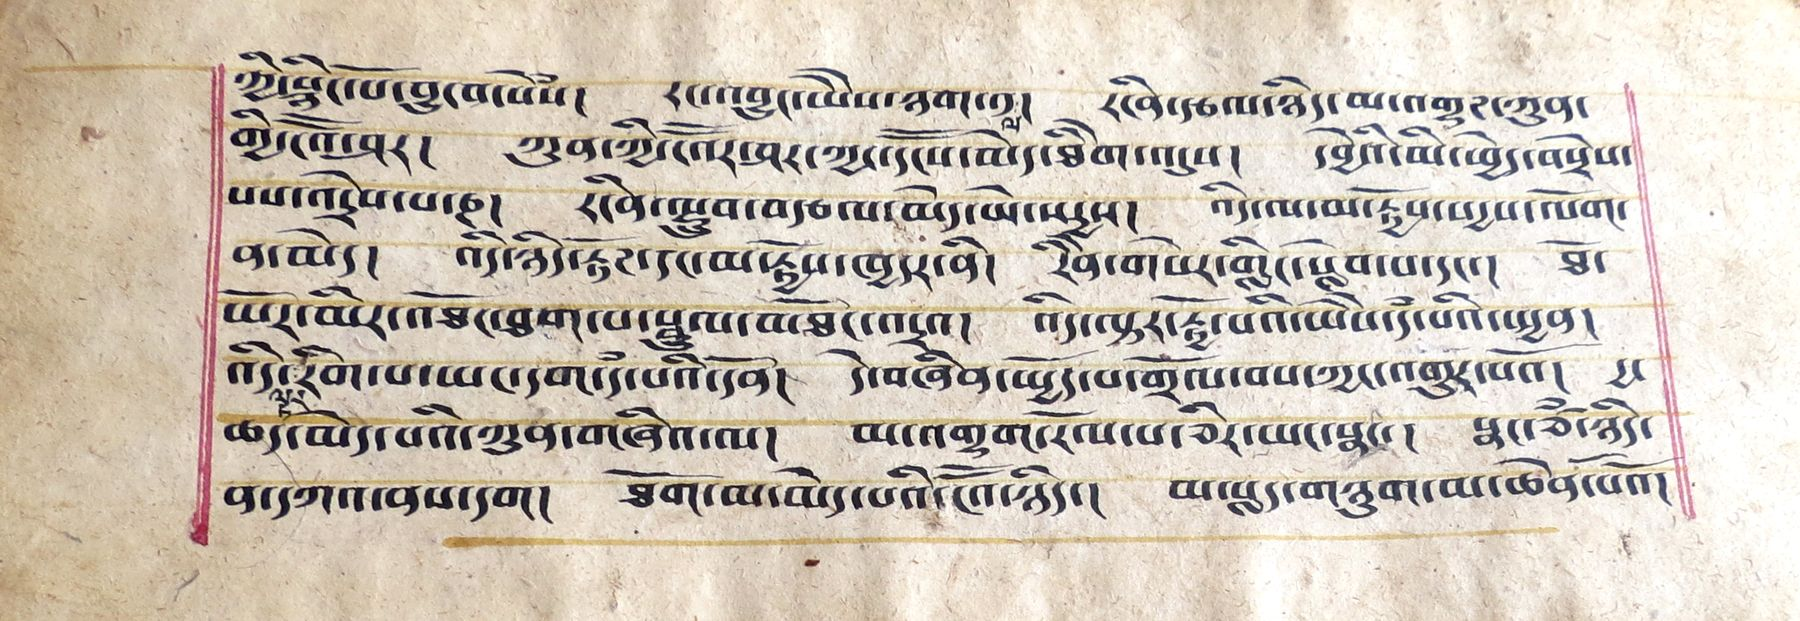གྱི་སྙིང་པོ་བྱང་ཆུབ་སེམས། ། རང་བྱུང་ཡེ་ཤེས་ཉག་ཅིག་ལ། ། རང་བཞིན་རྩལ་ཉིད་མ་འགག་ཀུན་
གྱི་ངོ་བོ་ཤར། ། ཀུན་གྱི་ངོ་བོར་ཤར་ཀྱང་དངོས་མེད་ཐིག་ལེར་འདུས། ། དབྱེ་ཡིས་མི་ཕྱེད་བསྲེས་
པས་འདྲེས་པ་མེད། ། རང་བཞིན་ལྷུན་གྲུབ་རྩལ་མེད་ཡེ་སངས་རྒྱས། ། འདི་ལ་མ་གཏོགས་སངས་རྒྱས་ལོགས་
ན་མེད། ། འདི་ཉིད་རྟོགས་དང་མ་རྟོགས་ཁྱད་པར་ནི། ། རིན་ཆེན་གསེར་གླིང་སླེབས་པ་དང་། ། ཐོ་
ཡོར་མིར་མཐོང་ཐག་པ་སྦྲུལ་མཐོང་འདྲ། ། འདི་ལྟར་རྟོགས་པའི་ཡེ་ཤེས་དམ་པའི་སྤྱན། ། 
འདི་ལྟར་རིག་པ་ཡང་དག་དམ་པའི་དོན། ། དེ་བཞིན་སྤྱོད་པ་གྲོལ་བས་ཀྱང་འགྱུར་བའོ། ། རྒྱ་
ཆད་མེད་པའི་ཀུན་གཞི་ལ། ། མ་འགག་རོལ་པ་ཅིར་ཡང་སྣང་། ། སྣང་ཙམ་ཉིད་
ན་ཀ་ནས་དག ། ཐོག་མ་མེད་པའི་ངོ་བོ་ཉིད། ། མ་སླད་གཉུག་མ་ཆེན་པོའོ། །